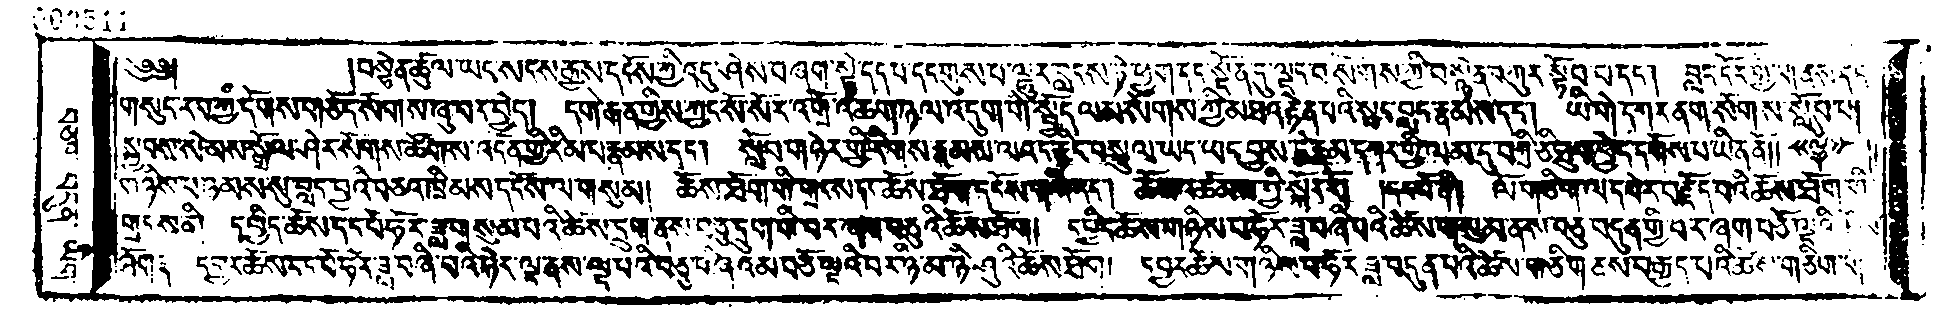༄༅། །བསྟེན་ཚུལ་ཡང་སངས་རྒྱས་དངོས་ཀྱི་འདུ་ཤེས་བཞག་སྟེ་དད་པ་དང་གུས་པ་ལྷུར་བླངས་ཏེ་ཕྱག་དང་སྔོན་དུ་ལྡང་བ་སོགས་ཀྱི་བསྙེན་བཀུར་སྟོབ་པ་དང་། བླང་དོར་གྱི་གནས་དང་
གསུང་རབ་ཀྱི་དོགས་གཅོད་སོགས་ཞུ་བར་བྱེད། དགེ་རྒན་གྱིས་ཀྱང་སོ་སོར་འགྲོ་འཆག་ཉལ་འདུག་གི་སྤྱོད་ལམ་སོགས་ཀྱི་མཐའ་རྟེན་པའི་སྤང་བླང་རྣམས་དང་། ཡི་གེ་དཀར་ནག་སོགས་སློབ་པ།
སྐྱབས་སེམས་སྒྲོལ་ཤེར་སོགས་ཚོགས་འདོན་གྱི་རིམ་པ་རྣམས་དང་། སློབ་གཉེར་གྱི་རིགས་རྣམས་ལའང་རྟིང་བསྐུལ་ཡང་ཡང་བྱས་ཏེ་རྣམ་དཀར་གྱི་ལམ་དུ་བཀྲི་ཅི་ཐུབ་བྱེད་དགོས་པ་ཡིན་ནོ།། ༈ །།
གཉིས་པ་ཉམས་སུ་བླང་བྱའི་བཅའ་ཁྲིམས་དངོས་ལ་གསུམ། ཆོས་ཐོག་གི་གྲངས་དང་ཆོས་ཐོག་དངོས་གཞི་དང་། ཆོས་འཚམས་ཀྱི་སྐོར་རོ། །དང་པོ་ནི། ལོ་གཅིག་ལ་དཔེར་བརྗོད་པའི་ཆོས་ཐོག་གི་
གྲངས་ནི། དཔྱིད་ཆོས་དང་པོ་ཧོར་ཟླ་གསུམ་པའི་ཚེས་དྲུག་ནས་བཅུ་དྲུག་གི་བར་ཞག་བཅུའི་ཆོས་ཐོག །དཔྱིད་ཆོས་གཉིས་པ་ཧོར་ཟླ་བཞི་པའི་ཚེས་གསུམ་ནས་བཅུ་བདུན་གྱི་བར་ཞག་བཅོ་ལྔའི་ཆོས་
ཐོག ༑དབྱར་ཆོས་དང་པོ་ཧོར་ཟླ་བཞི་བའི་ཉེར་ལྔ་ནས་ལྔ་པའི་བཅུ་བཞིའམ་བཅོ་ལྔའི་བར་ཉི་མ་ཉི་ཤུའི་ཆོས་ཐོག །དབྱར་ཆོས་གཉིས་པ་ཧོར་ཟླ་བདུན་པའི་ཚེས་གཅིག་ནས་བརྒྱད་པའི་ཚེས་གཅིག་གི་